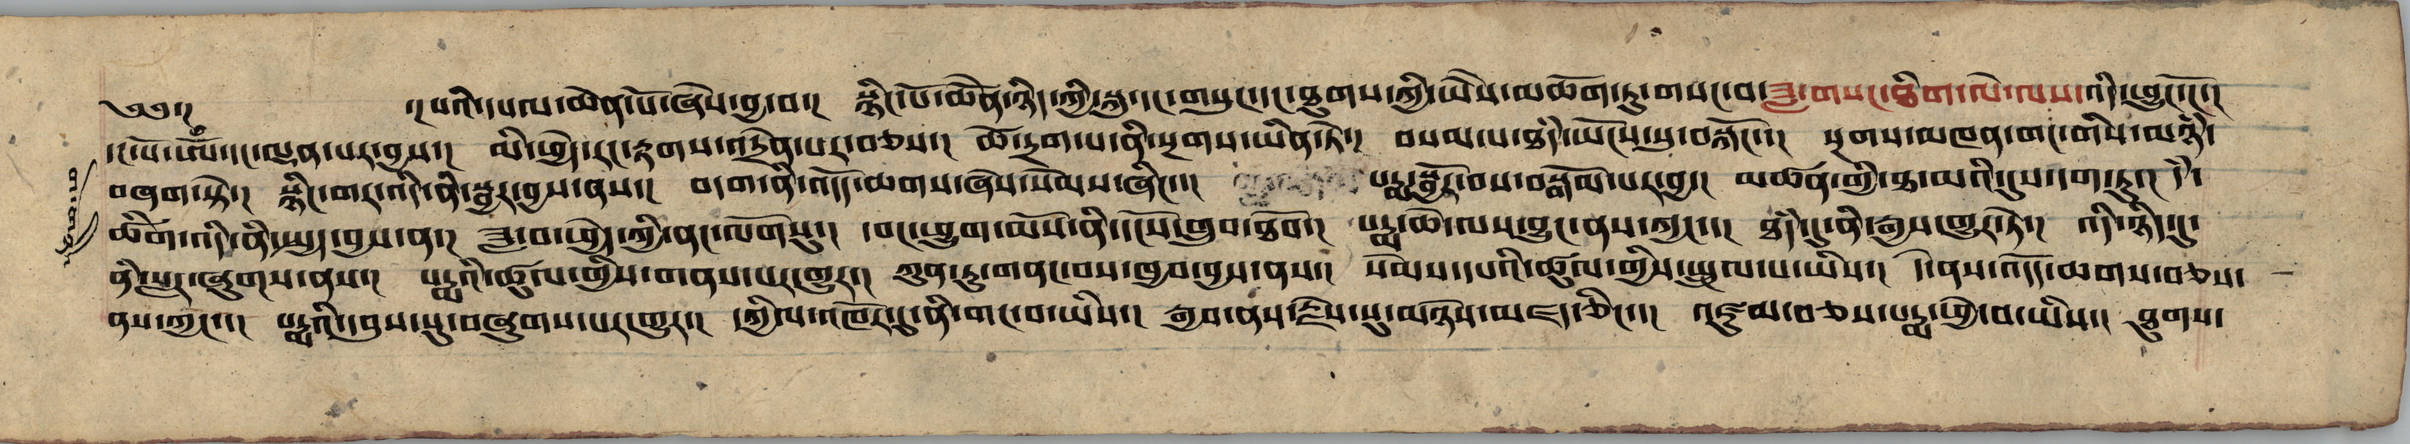༄༅་། ་།པའི་དཔལ་ཆེན་པོ་ཞེས་བྱ་བ་། སྙིང་པོ་ཆེནོ་ཉིད་ཀྱི་སྐུ་དང་གསུང་དང་ཐུགས་ཀྱི་ཡཻས་མཆོག་ཏུ་གསང་བ་ཟླ་གསང་ཐིག་ལེ་ལས་འདི་ཕྱུང་ངོ་།
དང་པོ་ཨོཾ་དང་ལྡན་པར་བྱས་། མི་ཕྱེད་རང་རྟགས་འདྲེན་པར་བཅས་། ཚེ་དྲག་པ་ནི་སྔགས་ཡིན་ཏེ་། བསམ་པ་ཐཾད་ཡོངས་སུ་བསྐོང་་། སྔགས་མཁན་གང་གིས་མཉཾ་
བཞག་སྟེ་། སྙིང་གར་འདི་ནི་སྦྱར་བྱས་ནས་། བདག་ནི་འདོད་ཆགས་ཞེས་སེམས་ཞིང་། པདྨ་སྦྱོར་བས་བསྒོམ་པར་བྱ་། མཚན་གྱི་ཐ་མའི་དུས་དག་ཏུ་། དཾ་
ཚིག་འདི་ནི་སྤྱད་བྱས་ན་། ཟླ་བ་ཕྱེད་ཀྱི་ནང་ལོགསུ་། དབང་ཕྱུག་མོས་ནི་དངོས་གྲུབ་ཐོབ་། པདྨ་ཆེ་ལས་བྱུང་ནས་ཀྱང་་། ཐཾད་དུ་ནི་རྒྱས་གྱུར་ཏེ་། འདི་ཉིད་དུ་
ནི་སླར་ཞུགས་ནས་། པདྨའི་ཚུལ་གྱིས་གནས་པར་གྱུར་། ཀུན་ཏུ་གནང་བས་ཁྱབ་བྱས་ནས་། སེམས་དཔའི་ཚུལ་གྱིས་སྤྲུལ་པ་ཡིས་། དེ་ནས་འདོད་ཆགས་བཅས་
ནས་ཀྱང་་། པདྨའི་དབུས་སུ་བཞུགས་པར་གྱུར་། དཀྱིལ་འཁོར་དུ་ནི་གང་བ་ཡིས་། རྒྱབ་ནས་རྗེས་སུ་མཉེས་མཛད་ཅིང་་། འཛུམ་བཅས་པདྨ་ཕྱེ་བ་ཡིས་། ཐུགས་